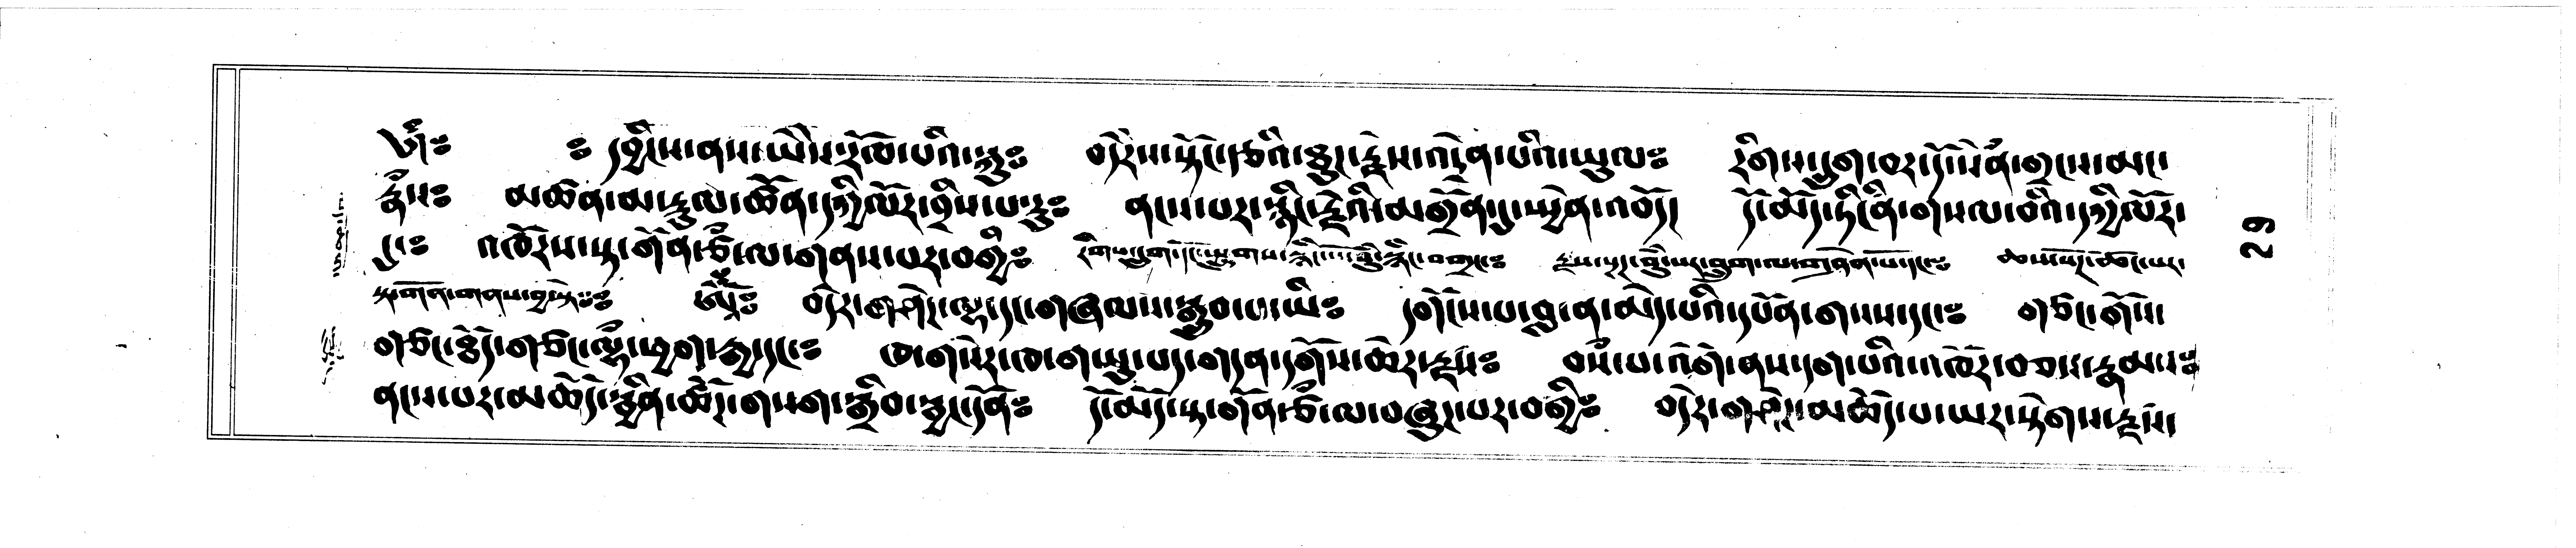དབྱིངས་ནས་ཡེ་ཤེས་རོལ་པའི་སྐུཿ བདེར་གཤེགས་སྟོང་རྩའི་ཐུགས་རྗེས་འདྲེན་པའི་ཡུལཿ རིགས་དྲུག་བར་དོ་སེམས་ཅན་གྲངས་མང་
རྣམསཿ མཚན་མ་རྡུལ་ཚོན་དཀྱིལ་འཁོར་བྲིས་པ་རུཿ ནང་པར་སྙིང་རྗེའི་མགྲོན་དུ་སྤྱན་འདྲེན་འབོདཿ དོ་མོད་ཏིང་འཛིན་གསལ་བའི་དཀྱིལ་འཁོར་
དུཿ འཁོར་བཅས་སྟ་གོན་ཙམ་ལ་གནས་པར་བགྱིཿ རིགས་དྲུག་དོང་སྤྲུག་སྙིང་པོ་བུམ་སྙིང་བགྲངཿ རྫས་སྔགས་བུམ་པར་བླུགས་ལ་གཤེན་པོ་དངཿ ཆས་སོགས་ཚང་བར་
སྟ་གོན་གནས་བྱ་སྟེཿ ཨཱོྃཿ བདེར་གཤེགས་ལྷ་དང་གཞལ་ཡས་སྒྲུབ་པ་ཡིཿ དགོངས་པ་བླ་ན་མེད་པའི་དཔོན་གསལ་དངཿ གཙང་གོས་
གཙང་ཐོད་གཙང་ལྷམ་ཕྱག་རྒྱ་དངཿ ཁ་གསེར་ཁ་གཡུ་པད་གདན་དགོས་ཆེར་རྫསཿ བསམ་པ་འོག་ནས་དག་པའི་འཁོར་བཅས་རྣམསཿ 
ནང་པར་མཆོད་སྦྱིན་ཚོགས་གསོག་སྒྲིབ་སྦྱང་དོནཿ དོ་མོད་སྟ་གོན་ཙམ་ལ་བཞུགས་པར་བགྱིཿ བདེར་གཤེགས་མཆོད་པའི་ཡར་སྟེགས་རྫས་